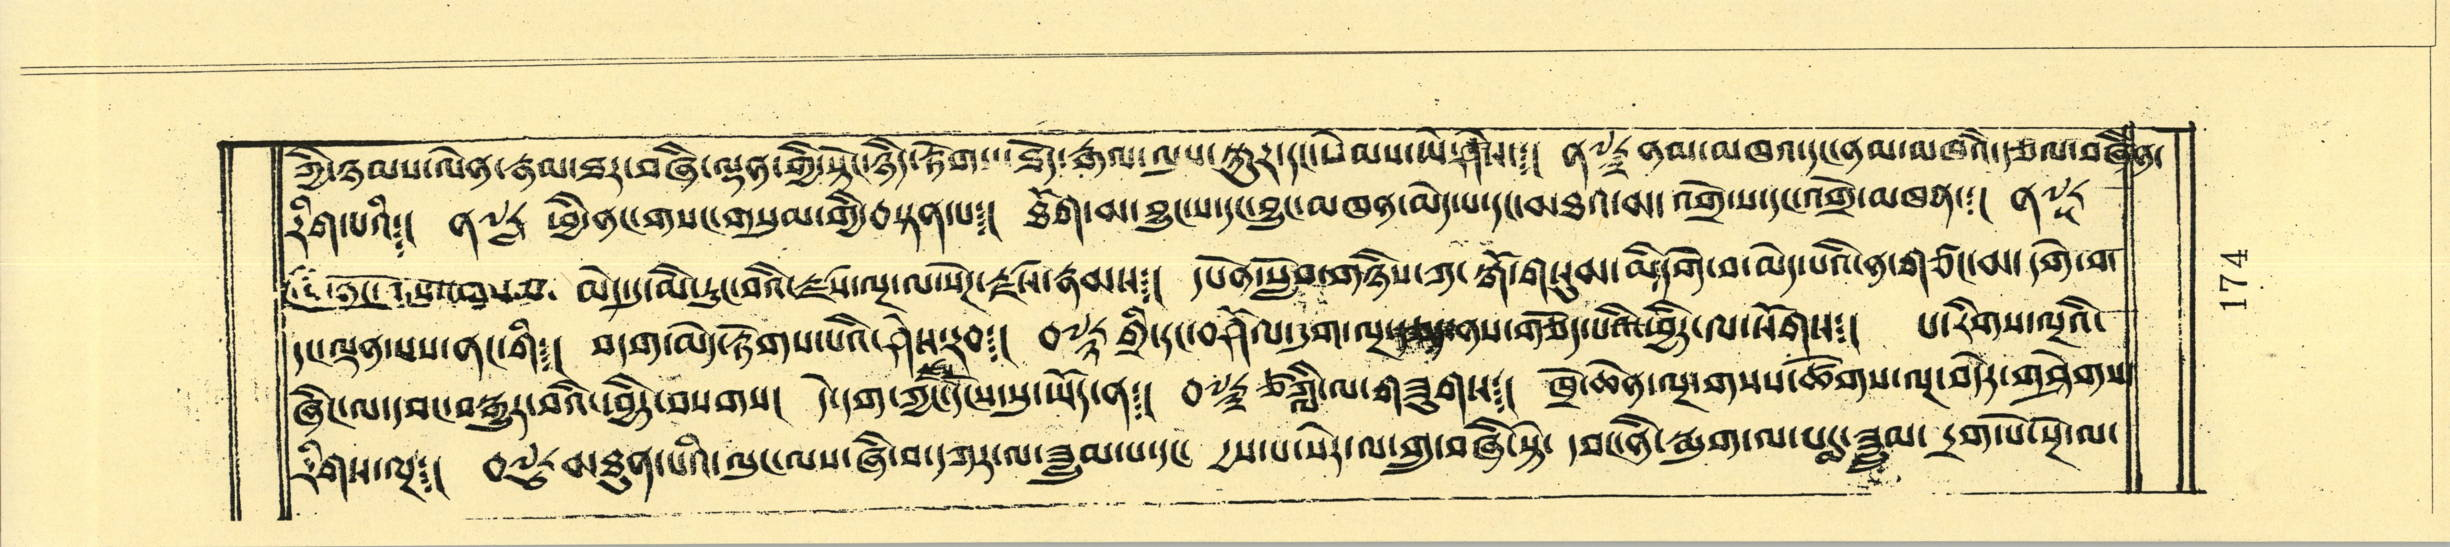ཀྱི་ཉམས་ལེན་རྣམ་ཐར་བཞི་ལྡན་གྱི་སྟོང་ཉིད་རྟོགས་ཐོད་རྒལ་ལུས་༼སྐུར༽དང་སེམས་༼ཡེ་ཤེས༽ན༧༨།༢ནམ་མཁའ་དང་ནམ་མཁའི་རྩལ་བཞིན་ 
༼རིག་པའི༽ན༧༨།༤ཕྱི་ནང་གསང་གསུམ་གྱི་༼བསྟན་པ༽༼ཐོག་མ༽བྱུང་ས་དང་བྱུང་མཁན་མེད་པ་དང་༼མཐའ་མ༽འགྲོ་ས་དང་འགྲོ་མཁན་ན༧༨།༥ 
མེད་དུ་མི་རུང་བའི་རྫས་ལྔ་ལ་སོགས་༼རྫས་རྣམས༽དཔོན་སློབ་གཉིས་ཀ་༼སྒོ་གསུམ༽མི་དགེ་བ་མེད་པས་ན་༼གཙང་མ༽དགེ་བ་
དང་ལྡན་པས་༼ནང་གི༽བདག་མེད་རྟོགས་པའི་༼ཤེས་རབ༽བ༧༨།༢༼གྲི་དང་བཤོལ༽དུག་ལྔ་རྩད་ནས་གཅོད་པའི་ཕྱིར་༼ལ་སོགས༽༼པ༽རིགས་ལྔའི་
ཞིང་ལ་དབང་བསྒྱུར་བའི་ཕྱིར་བསགས་དེ་དག་ཀྱང་དངོས་སུ་༼ཡོད་ན༽བ༧༨།༣ཙཀླི་ལ་༼གཟུགས༽ཁྲོ་ཆེན་ལྔ་གསས་ཚོགས་ལྔ་བདེ་གཤེགས་
༼རིགས་ལྔ༽བ༧༨།༦༼མཐུན་པའི༽ལུང་ལས་ཞི་བ་དཀར་ལ་ཟླུམ་པ་དང་། རྒྱས་པ་སེར་ལ་གྲུ་བཞི་སྟེ་དབང་ནི་སྨུག་ལ་པདྨ་ཟླུམ་དྲག་པོ་སྔོ་ལ་